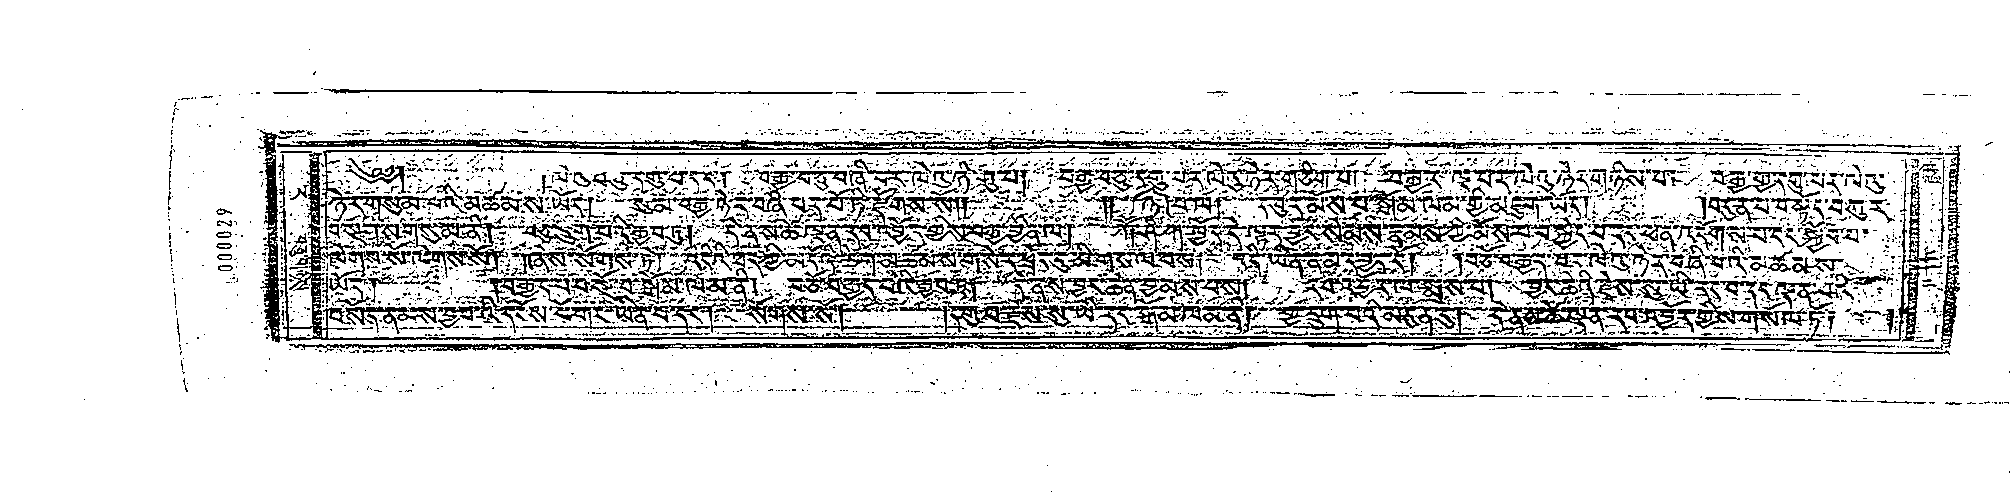༄༅། །ལེའུ་བཅུ་དགུ་པ་དང་། བརྒྱ་བཅུ་བཞི་པར་ལེའུ་ཉི་ཤུ་པ། བརྒྱ་བཅུ་དགུ་པར་ལེའུ་ཉེར་གཅིག་པ། བརྒྱ་ང་ལྔ་པར་ལེའུ་ཉེར་གཉིས་པ། བརྒྱ་གྱ་དགུ་པར་ལེའུ་
ཉེར་གསུམ་པའི་མཚམས་ཡོད། སུམ་བརྒྱ་ཉེར་བཞི་པར་པོ་ཏི་རྫོགས་སོ།། །།ཉ྄་པ་ལ། དབུར་མོས་པ་སྒོམ་ལམ་གྱི་མཇུག་ཡོད། །བདུན་པ་བསྟོད་བཀུར་
བསྔགས་གསུམ་ནི། བཅུ་དྲུག་པའི་རྒྱབ་ཏུ། དེ་ནས་ཚེ་ལྡན་རབ་འབྱོར་གྱིས་བརྒྱ་བྱིན་ལ། ཀཽ་ཤི་ཀ་ཁྱོད་དེ་ལྟར་བྱང་སེམས་རྣམས་ཀྱི་མོས་པ་བསྐྱེད་པ་དང་ཕན་འདོགས་པ་དང་སྐྱོབ་པ་
ལེགས་སོ་ལེགས་སོ། །ཞེས་སོགས་ཏེ། འདིའི་ཐད་ཀྱི་མདོའི་ཚིག་མཚམས་གསེར་ཕྲེང་དུ་མི་གསལ་བས། འདི་ཡིན་ནམ་དཔྱད་དོ། །བཅོ་བརྒྱད་པར་ལེའུ་ཉེར་བཞི་པའི་མཚམས་
ཡོད། །བརྒྱད་པ་བསྔོ་བ་སྒོམ་ལམ་ནི། བཅོ་བརྒྱད་བའི་རྒྱབ་ཏུ། དེ་ནས་བྱང་ཆེན་བྱམས་པས། རབ་འབྱོར་ལ་སྨྲས་པ། བྱང་ཆེའི་རྗེས་སུ་ཡི་རང་བ་དང་ལྡན་པའི་
བསོད་ནམས་བྱ་བའི་དངོས་པོ་གང་ཡིན་པ་དང་། སོགས་སོ། །དགུ་པ་རྗེས་སུ་ཡི་རང་སྒོམ་ལམ་ནི། གྱ་དྲུག་བའི་མདུན་དུ། དེ་ནས་ཚེ་ལྡན་རབ་འབྱོར་གྱིས་གསོལ་ཏོ། །